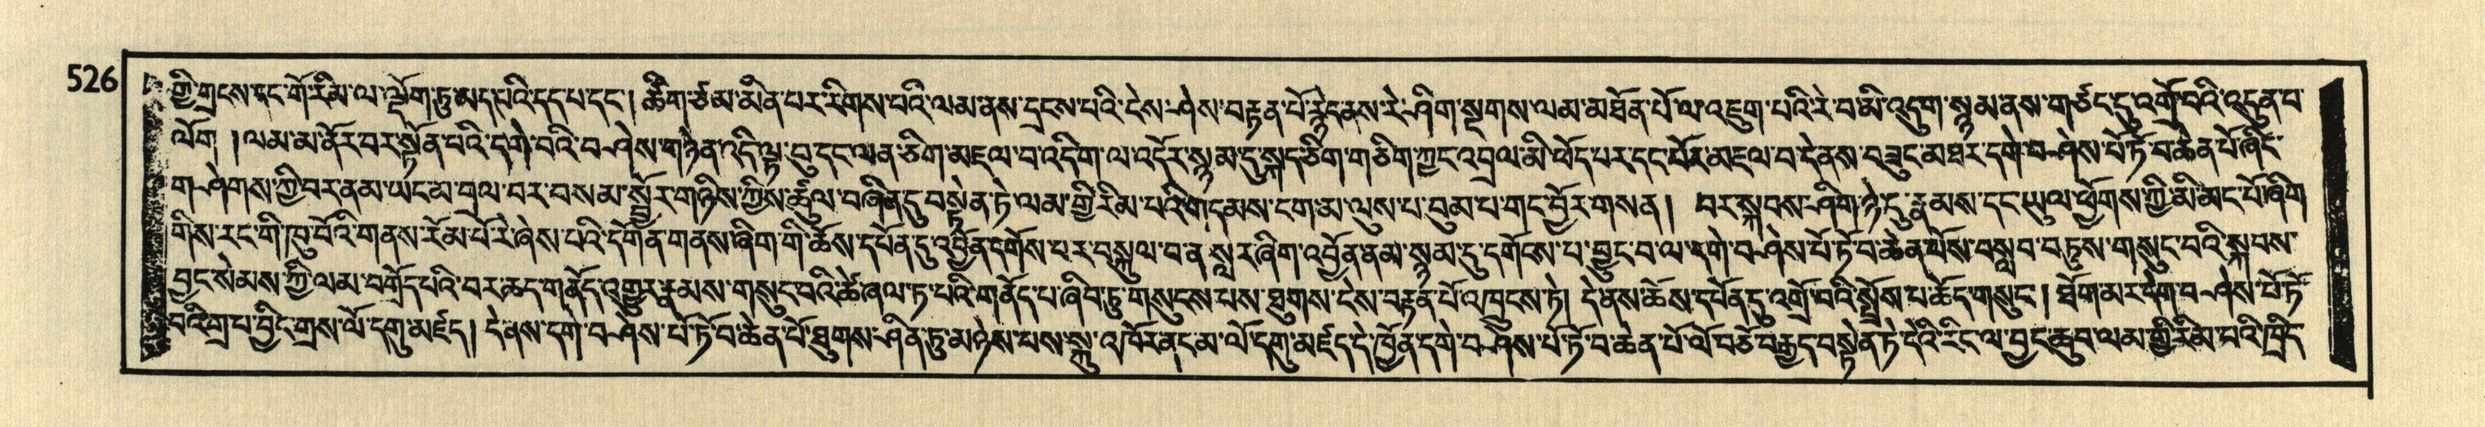གྱི་གྲངས་དང་གོ་རིམ་ལ་ལྡོག་ཏུ་མད་པའི་དད་པ་དང་། ཚིག་ཙམ་མིན་པར་རིགས་པའི་ལམ་ནས་དྲངས་པའི་ངེས་ཤེས་བརྟན་པོ་རྙེད་ནས་རེ་ཤིག་སྔགས་ལམ་མཐོན་པོ་ལ་འཇུག་པའི་རེ་བ་མི་འདུག་སྙམ་ནས་གཙང་དུ་འགྲོ་བའི་འདུན་པ་
ལོག །ལམ་མ་ནོར་བར་སྟོན་པའི་དགེ་བའི་བཤེས་གཉེན་འདི་ལྟ་བུ་དང་ལན་ཅིག་མཇལ་བ་འདི་ག་ལ་འདོར་སྙམ་དུ་སྐད་ཅིག་གཅིག་ཀྱང་འབྲལ་མི་ཕོད་པར་དང་པོར་མཇལ་བ་དེ་ནས་བཟུང་མཐར་དགེ་བཤེས་པོ་ཏོ་བ་ཆེན་པོ་ཞིང་
གཤེགས་ཀྱི་བར་ནམ་ཡང་མ་བྲལ་བར་བསམ་སྦྱོར་གཉིས་ཀྱིས་ཚུལ་བཞིན་དུ་བསྟེན་ཏེ་ལམ་གྱི་རིམ་པའི་གདམས་ངག་མ་ལུས་པ་བུམ་པ་གང་བྱོར་གསན། བར་སྐབས་ཤིག་ཉེ་དུ་རྣམས་དང་ཡུལ་ཕྱོགས་ཀྱི་མི་མང་པོ་ཞིག་
གིས་རང་གི་ཁུ་བོའི་གནས་རོམ་པ་རེ་ཞེས་པའི་དགོན་གནས་ཞིག་གི་ཆོས་དཔོན་དུ་འབྱོན་དགོས་པར་བསྐུལ་བ་ན་སླར་ཞིག་འབྱོན་ནམ་སྙམ་དུ་དགོངས་པ་བྱུང་བ་ལ་དགེ་བཤེས་པོ་ཏོ་བ་ཆེན་པོས་བསླབ་བཏུས་གསུང་བའི་སྐབས་
བྱང་སེམས་ཀྱི་ལམ་བགྲོད་པའི་བར་ཆད་གནོད་འགྱུར་རྣམས་གསུང་བའི་ཚེ་ཞལ་ཏ་པའི་གནོད་པ་ཞིབ་ཏུ་གསུངས་པས་ཐུགས་ངེས་བརྟན་པོ་འཁྲུངས་ཏེ། དེ་ནས་ཆོས་དཔོན་དུ་འགྲོ་བའི་སྤྲོས་པ་ཆོད་གསུང་། ཐོག་མར་དགེ་བཤེས་པོ་ཏོ་
བའི་གྲབ་བྱིང་གྲས་ལོ་དགུ་མཛད། དེ་ནས་དགེ་བཤེས་པོ་ཏོ་བ་ཆེན་པོ་ཐུགས་ཤིན་ཏུ་མཉེས་པས་སྐུ་འཁོར་ནང་མ་ལོ་དགུ་མཛད་དེ་ཁྱོན་དགེ་བཤེས་པོ་ཏོ་བ་ཆེན་པོ་ལོ་བཅོ་བརྒྱད་བསྟེན་ཏེ་དེའི་རིང་ལ་བྱང་ཆུབ་ལམ་གྱི་རིམ་པའི་ཁྲིད་